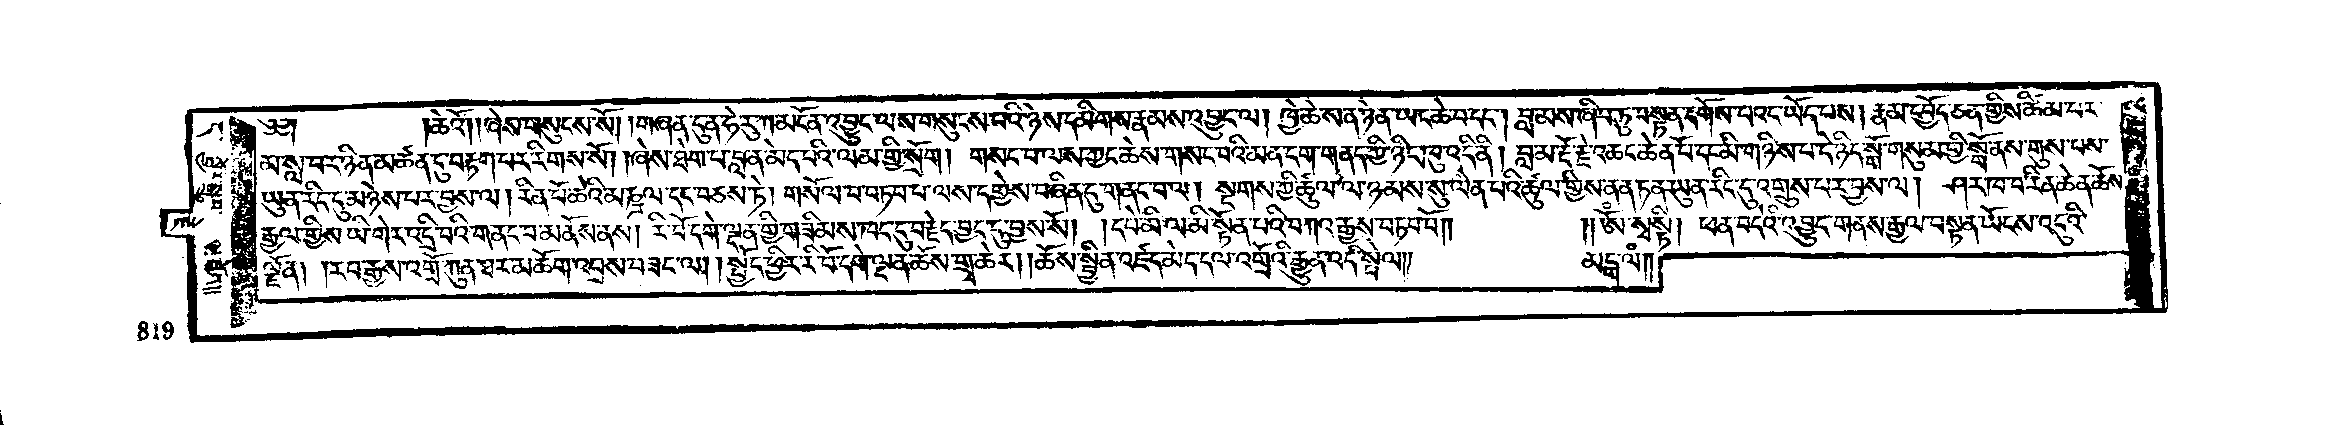༄༅། །ཆེའོ། །ཞེས་གསུངས་སོ། །གཞན་དུ་ན་ཧེ་རུ་ཀ་མངོན་འབྱུང་ལས་གསུངས་པའི་ཉེས་དམིགས་རྣམས་འབྱུང་ལ། ཁྱེ་ཆེ་ས་ན་ཉེན་ཡང་ཆེ་བ་དང་། བླ་མས་ཞིབ་ཏུ་བསྟན་དགོས་པའང་ཡོད་པས། རྣམ་དཔྱོད་ཅན་གྱིས་ཚིམ་པར་
མ་སླ་བར་ཉིན་མཚན་དུ་བརྟག་པར་རིགས་སོ། །ཞེས་ཐེག་པ་བླ་ན་མེད་པའི་ལམ་གྱི་སྲོག །གསང་བ་ལས་ཀྱང་ཆེས་གསང་བའི་མན་ངག་གནད་ཀྱི་ཉིང་ཁུ་འདི་ནི། བླ་མ་རྡོ་རྗེ་འཆང་ཆེན་པོ་དང་མི་གཉིས་པ་དེ་ཉིད་སྒོ་གསུམ་གྱི་སྒོ་ནས་གུས་པས་
ཡུན་རིང་དུ་མཉེས་པར་བྱས་ལ། རིན་པོ་ཆེའི་མཎྜལ་དང་བཅས་ཏེ། གསོལ་བ་བཏབ་པ་ལས་དགྱེས་བཞིན་དུ་གནང་བ་ལ། སྔགས་ཀྱི་ཚུལ་ལ་ཉམས་སུ་ལེན་པའི་ཚུལ་གྱིས་ནན་ཏན་ཡུན་རིང་དུ་འགྲུས་པར་བྱས་ལ། ཤར་ཁ་བ་རིན་ཆེན་ཆོས་
རྒྱལ་གྱིས་ཡི་གེར་འདྲི་བའི་གནང་བ་མནོས་ནས། རི་བོ་དགེ་ལྡན་གྱི་གཟིམས་ཁང་དུ་བརྗེད་བྱང་དུ་བྱས་སོ། །དཔེ་མི་ལ་མི་སྟོན་པའི་བཀའ་རྒྱས་བཏབ་བོ།། །།ཨོཾ་སྭསྟི། ཕན་བདེའི་འབྱུང་གནས་རྒྱལ་བསྟན་ཡོངས་འདུའི་
ལྗོན། །རབ་རྒྱས་འགྲོ་ཀུན་ཐར་མཆོག་འབྲས་བཟང་ལ། །སྤྱོད་ཕྱིར་རི་བོ་དགེ་ལྡན་ཆོས་གྲྭ་ཆེར། །ཆོས་སྦྱིན་འཛད་མེད་དལ་འགྲོའི་རྒྱུན་འདི་སྤེལ།། མངྒ་ལཾ།།